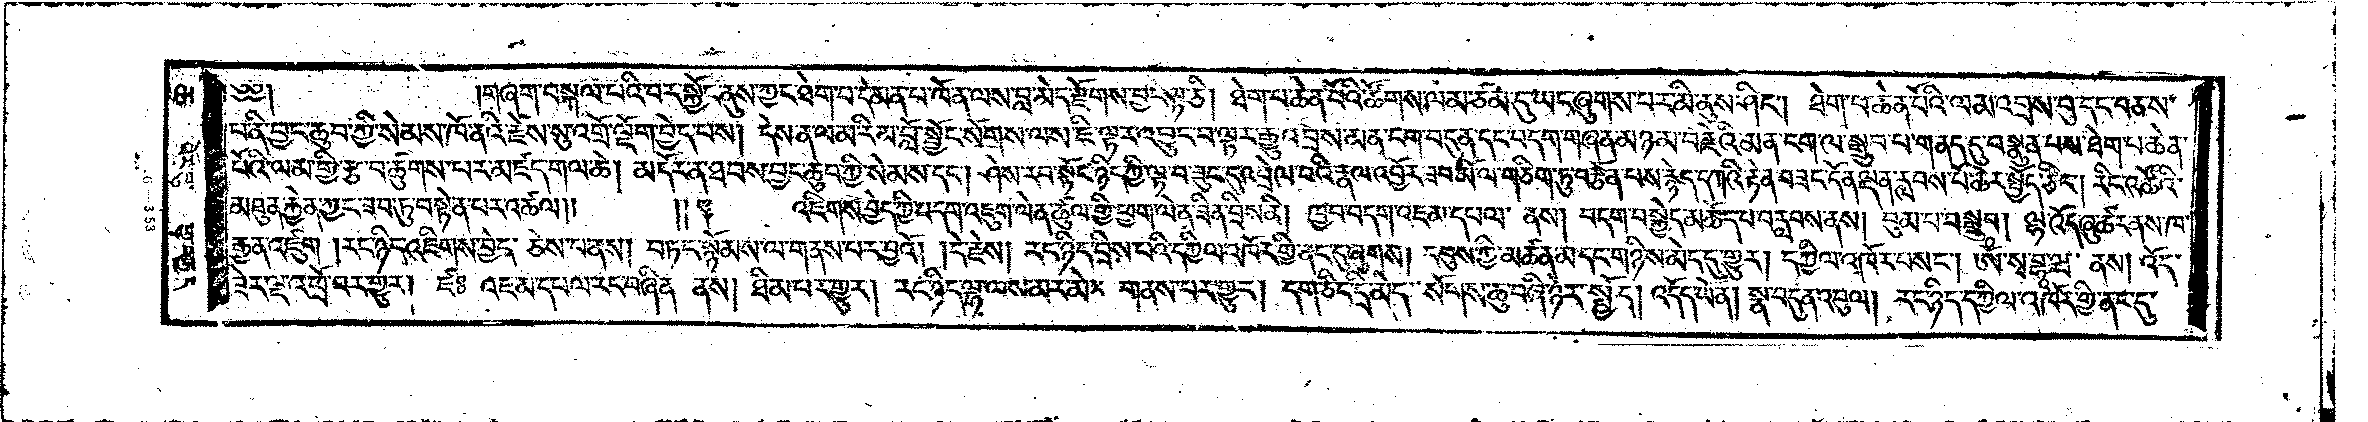༄༅། །གཞག་བསྐལ་པའི་བར་སྐྱོང་ནུས་ཀྱང་ཐེག་པ་དེ་མན་པ་ཁོ་ན་ལས་བླ་མེད་རྫོགས་བྱང་ལྟ་ཅི། ཐེག་པ་ཆེན་པོའི་ཚོགས་ལམ་ཙམ་དུ་ཡང་ཞུགས་པར་མི་ནུས་ཤིང་། ཐེག་པ་ཆེན་པོའི་ལམ་འབྲས་བུ་དང་བཅས་
པ་ནི་བྱང་ཆུབ་ཀྱི་སེམས་ཁོ་ནའི་རྗེས་སུ་འགྲོ་ལྡོག་བྱེད་པས། དེས་ན་ལམ་རིམ་བློ་སྦྱོང་སོགས་ལས་ཇི་ལྟར་འབྱུང་བ་ལྟར་རྒྱུ་འབྲས་མན་ངག་བདུན་དང་བདག་གཞན་མཉམ་བརྗེའི་མན་ངག་ལ་སྒྲུབ་པ་གནད་དུ་བསྣུན་པས་ཐེག་པ་ཆེན་
པོའི་ལམ་གྱི་རྩ་བ་ཚུགས་པར་མཛད་གལ་ཆེ། མདོར་ན་ཐབས་བྱང་ཆུབ་ཀྱི་སེམས་དང་། ཤེས་རབ་སྟོང་ཉིད་ཀྱི་ལྟ་བ་ཟུང་དུ་འབྲེལ་བའི་རྣལ་འབྱོར་ཟབ་མོ་ལ་གཅིག་ཏུ་བརྩོན་པས་རྙེད་དཀའི་རྟེན་བཟང་དོན་ལྡན་རླབས་པོ་ཆེར་སྤྱོད་ཅིང་། རིང་འཚོའི་
མཐུན་རྐྱེན་ཀྱང་ཟབ་ཏུ་བསྟེན་པར་འཚལ།། །།༈ འཇིགས་བྱེད་ཀྱི་བདག་འཇུག་ལེན་ཚུལ་གྱི་ཕྱག་ལེན་ཟིན་བྲིས་ནི། ཁྱབ་བདག་འཇམ་དཔལ་ནས། བདག་བསྐྱེད་མཆོད་པ་བརླབས་ནས། བུམ་པ་བསྒྲུབ། ལྷ་འོད་ཞུ་ཚར་ནས་ཁ་
རྒྱན་འཛུག །རང་ཉིད་འཇིགས་བྱེད་ཅེས་པ་ནས། བཏང་སྙོམས་ལ་གནས་པར་བྱའོ། །དེ་རྗེས། རང་ཉིད་བྲིས་པའི་དཀྱིལ་འཁོར་གྱི་ནང་དུ་ཞུགས། དབུས་ཀྱི་མཚན་མ་དང་གཉིས་མེད་དུ་གྱུར། དཀྱིལ་འཁོར་བསང་། ཨོཾ་སྭ་བྷཱ་ཝ་ནས། འོད་
ཟེར་ལྡ་འཕྲོ་བར་གྱུར། ཛཿ འཇམ་དཔལ་རང་བཞིན་ནས། ཐིམ་པར་གྱུར། རང་ཉིད་ལྷ་ལས་མར་མེ་྾་གནས་པར་གྱུར། དག་ཅིང་དྲི་མེད་སོགས་ཆུ་བཞི་ཉེར་སྤྱོད། འདོད་ཡོན། སྣ་བདུན་འབུལ། རང་ཉིད་དཀྱིལ་འཁོར་གྱི་ནང་དུ་